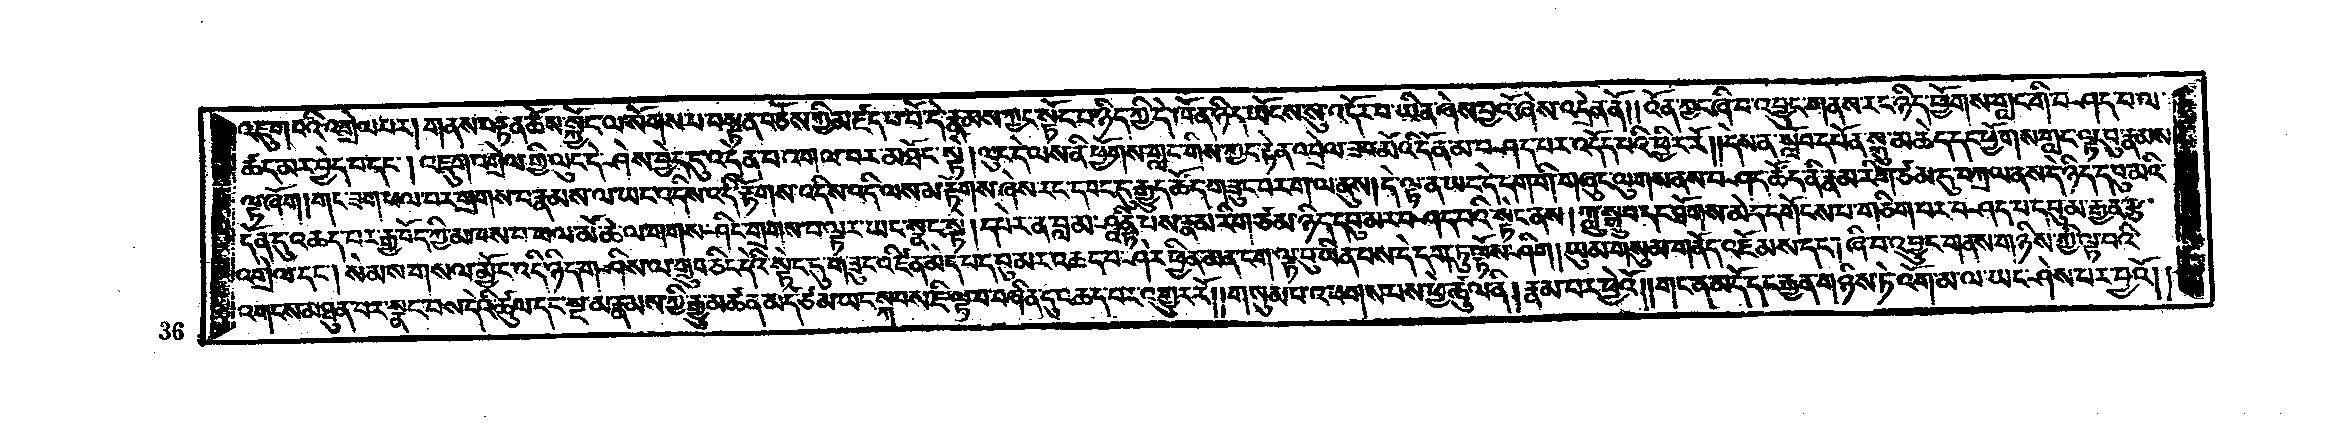འཇུག་པའི་འགྲེལ་པར། གནས་བརྟན་ཆོས་སྐྱོང་ལ་སོགས་པ་བསྟན་བཅོས་ཀྱི་མཛད་པ་པོ་དེ་རྣམས་ཀྱང་སྟོང་པ་ཉིད་ཀྱི་དེ་ཁོ་ན་ཉིད་ཡོངས་སུ་འདོར་བ་ཡིན་ཞེས་བྱའོ་ཞེས་འདྲེན་ནོ། །འོན་ཀྱང་ཞི་བ་འབྱུང་གནས་རང་ཉིད་ཕྱོགས་གླང་གི་བཤད་པ་ལ་
ཚད་མར་བྱེད་པ་དང་། འཇུག་འགྲེལ་གྱི་ལུང་དེ་ཤེས་བྱེད་དུ་འདྲེན་པ་འགལ་བར་མཐོང་སྟེ། ལུང་དེ་ལས་ནི་ཕྱོགས་གླང་གིས་ཀྱང་རྟེན་འབྲེལ་ཟབ་མོའི་དོན་མ་བཤད་པར་འདོད་པའི་ཕྱིར་རོ། །དེས་ན་སློབ་དཔོན་སྐུ་མཆེད་དང་ཕྱོགས་གླང་ལྟ་བུ་རྣམས་
ལྟ་ཞོག །གང་ཟག་ཕལ་པར་གྲགས་པ་རྣམས་ལ་ཡང་འདིས་འདི་རྟོགས་འདིས་འདི་ལས་མ་རྟོགས་ཞེས་རང་དབང་དུ་རྒྱུད་ཚོད་གཟུང་བར་ག་ལ་ནུས། དེ་ལྟ་ན་ཡང་དེ་དག་གི་གཞུང་ལུགས་ནས་བཤད་ཚོད་ནི་རྣམ་རིག་ཙམ་དུ་བཀྲལ་ནས་དེ་ཉིད་དབུ་མའི་
དོན་དུ་འཆད་པར་རྒྱ་བོད་ཀྱི་མཁས་པ་ཕལ་མོ་ཆེ་ལ་གྲགས་ཤིང་གྲགས་པ་ལྟར་ཡང་སྣང་སྟེ། དཔེར་ན་བླ་མ་ཤཱནྟི་པས་རྣམ་རིག་ཙམ་ཉིད་དབུ་མར་བཤད་པའི་སྟེང་ནས། ཀླུ་སྒྲུབ་དང་ཐོགས་མེད་དགོངས་པ་གཅིག་པར་བཤད་པ་དབུ་མ་རྒྱན་རྩ་
འགྲེལ་དང་། སེམས་གསལ་མྱོང་འདི་ཉིད་གཤིས་ལ་གྲུབ་ཅིང་དེའི་སྟེང་དུ་གཟུང་འཛིན་མེད་པ་དབུ་མར་འཆད་པ་ཤེར་ཕྱིན་མན་ངག་ལྟ་བུ་ཡིན་པས་དེ་དག་ཏུ་ལྟོས་ཤིག །ཡུམ་གསུམ་གནོད་འཇོམས་དང་། ཞི་བ་འབྱུང་གནས་གཉིས་ཀྱི་ལྟ་བའི་
འགངས་མཐུན་པར་སྣང་བས་དེའི་ཚུལ་དང་སྔ་མ་རྣམས་ཀྱི་རྒྱུ་མཚན་མདོ་ཙམ་ཡང་སྐབས་ཇི་ལྟ་བ་བཞིན་དུ་འཆད་པར་འགྱུར་རོ། །གསུམ་པ་འཕགས་པས་ཕྱེ་ཚུལ་ནི། རྣམ་པར་ཕྱེའོ། །གང་ན་མདོ་དང་རྒྱན་གཉིས་ཏེ་འོག་མ་ལ་ཡང་ཤེས་པར་བྱའོ། །